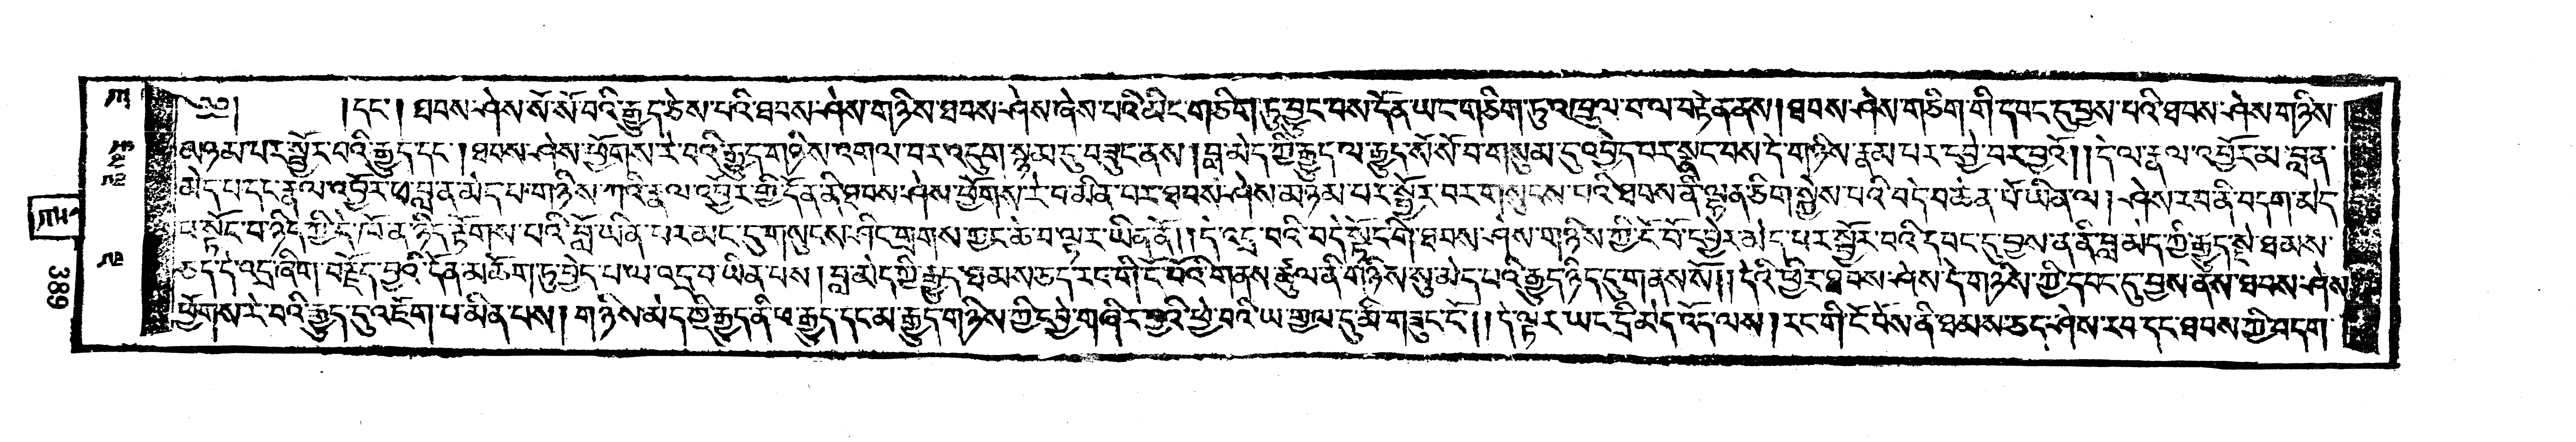༄༅། །དང་། ཐབས་ཤེས་སོ་སོ་བའི་རྒྱུད་ཅེས་པའི་ཐབས་ཤེས་གཉིས་ཐབས་ཤེས་ཞེས་པའི་མིང་གཅིག་ཏུ་བྱུང་བས་དོན་ཡང་གཅིག་ཏུ་འཁྲུལ་བ་ལ་བརྟེན་ནས། ཐབས་ཤེས་གཅིག་གི་དབང་དུ་བྱས་པའི་ཐབས་ཤས་གཉིས་
མཉམ་པར་སྦྱོར་བའི་རྒྱུད་དང་། ཐབས་ཤེས་ཕྱོགས་རེ་བའི་རྒྱུད་གཉིས་འགལ་བར་འདུག་སྙམ་དུ་བཟུང་ནས། བླ་མེད་ཀྱི་རྒྱུད་ལ་རྒྱུད་སོ་སོ་བ་གསུམ་དུ་འབྱད་པར་སྣང་བས་དེ་གཉིས་རྣམ་པར་དབྱེ་བར་བྱའོ། །དེ་ལ་རྣལ་འབྱོར་མ་བླ་ན་
མེད་པ་དང་རྣལ་འབྱོར་ཕ་བླ་ན་མེད་པ་གཉིས་ཀའི་རྣལ་འབྱོར་གྱི་དོན་ནི་ཐབས་ཤེས་ཕྱོགས་རེ་བ་མིན་པར་ཐབས་ཤེས་མཉམ་པར་སྦྱོར་བར་གསུངས་པའི་ཐབས་ནི་ལྷན་ཅིག་སྐྱེས་པའི་བདེ་བ་ཆེན་པོ་ཡིན་ལ། ཤེས་རབ་ནི་བདག་མེད་
པ་སྟོང་པ་ཉིད་ཀྱི་དེ་ཁོ་ན་ཉིད་རྟོགས་པའི་བློ་ཡིན་པར་མང་དུ་གསུངས་ཤིང་གྲགས་ཀྱང་ཆེ་བ་ལྟར་ཡིན་ནོ། །དེ་འདྲ་བའི་བདེ་སྟོང་གི་ཐབས་ཤེས་གཉིས་ཀྱི་ངོ་བོ་དབྱེར་མེད་པར་སྦྱོར་བའི་དབང་དུ་བྱས་ན་ནི་བླ་མེད་ཀྱི་རྒྱུད་སྡེ་ཐམས་
ཅད་དེ་འདྲ་ཞིག་བརྗོད་བྱའི་དོན་མཆོག་ཏུ་བྱེད་པ་ལ་འདྲ་བ་ཡིན་པས། བླ་མེད་ཀྱི་རྒྱུད་ཐམས་ཅད་རང་གི་ངོ་བོའི་གནས་ཚུལ་ནི་གཉིས་སུ་མེད་པའི་རྒྱུད་ཉིད་དུ་གནས་སོ། །དེའི་ཕྱིར་ཐབས་ཤེས་དེ་གཉིས་ཀྱི་དབང་དུ་བྱས་ནས་ཐབས་ཤེས་
ཕྱོགས་རེ་བའི་རྒྱུད་དུ་འཇོག་པ་མིན་པས། གཉིས་མེད་ཀྱི་རྒྱུད་ནི་ཕ་རྒྱུད་དང་མ་རྒྱུད་གཉིས་ཀྱི་དབྱེ་གཞིར་བྱའི་ཕྱེ་བའི་ཡ་གྱལ་དུ་མི་གཟུང་ངོ། །དེ་ལྟར་ཡང་དྲི་མེད་འོད་ལས། རང་གི་ངོ་བོས་ནི་ཐམས་ཅད་ཤེས་རབ་དང་ཐབས་ཀྱི་བདག་